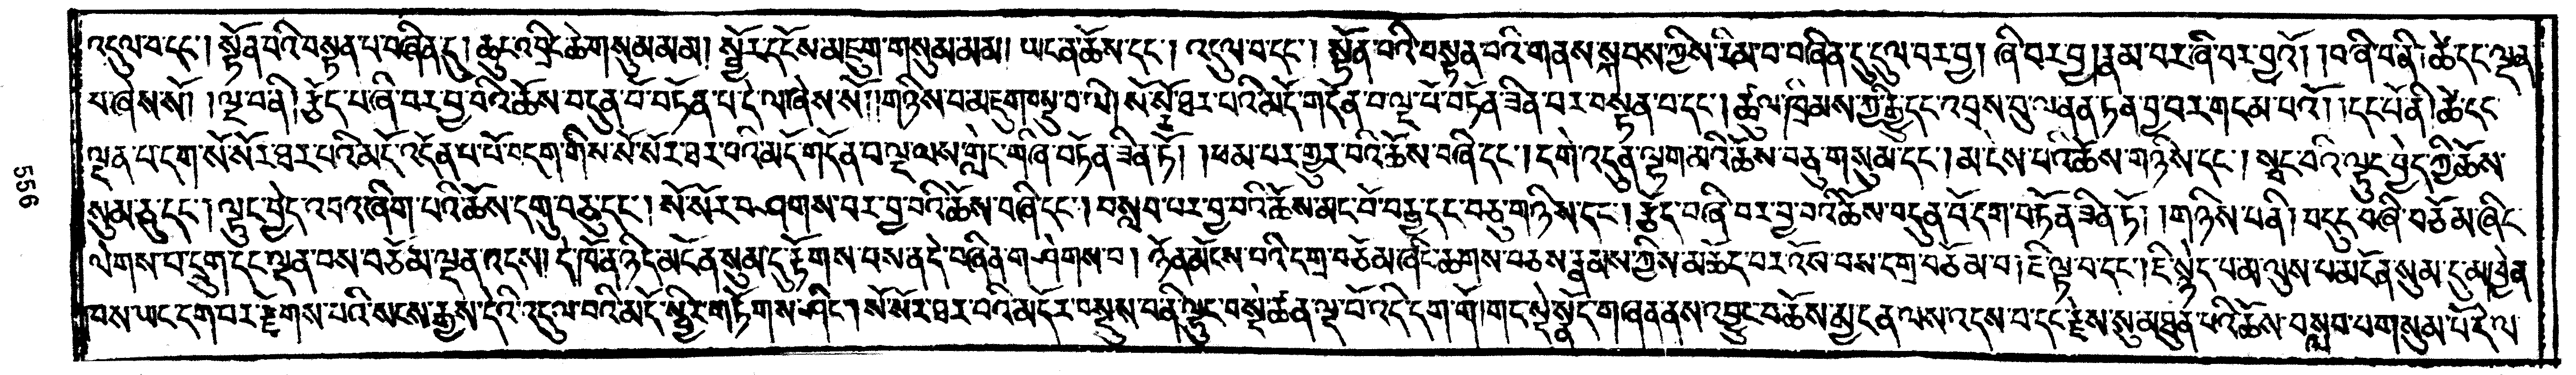འདུལ་བ་དང་། སྟོན་པའི་བསྟན་པ་བཞིན་དུ། ཆུང་འབྲིང་ཆེ་གསུམ་མམ། སྦྱོར་དངོས་མཇུག་གསུམ་མམ། ཡང་ན་ཆོས་དང་། འདུལ་བ་དང་། སྟོན་པའི་བསྟན་པའི་གནས་སྐབས་ཀྱིས་རིམ་བ་བཞིན་དུ་དུལ་བར་བྱ། ཞི་བར་བྱ། རྣམ་པར་ཞི་བར་བྱའོ། །བཞི་པ་ནི། ཚེ་དང་ལྡན་
པ་ཞེས་སོ། །ལྔ་བ་ནི། རྩོད་པ་ཞི་བར་བྱ་བའི་ཆོས་བདུན་པོ་བཏོན་པ་དེ་ལ་ཞེས་སོ། །གཉིས་པ་མཇུག་བསྡུ་བ་ལི། སོ་སོར་ཐར་པའི་མདོ་གདོན་བ་ལྔ་པོ་བཏོན་ཟིན་པར་བསྟན་པ་དང་། ཚུལ་ཁྲིམས་ཀྱི་རྒྱུ་དང་འབྲས་བུ་ལ་ནན་ཏན་བྱ་བར་གདམ་པའོ། །དང་པོ་ནི། ཚེ་དང་
ལྡན་པ་དག་སོ་སོར་ཐར་པའི་མདོ་འདོན་པ་པོ་བདག་གིས་སོ་སོར་ཐར་པའི་མདོ་གདོན་བ་ལྡ་ལས་གླེང་གཞི་བཏོན་ཟིན་ཏོ། །ཕམ་པར་གྱུར་བའི་ཆོས་བཞི་དང་། དགེ་འདུན་ལྷག་མའི་ཆོས་བཅུ་གསུམ་དང་། མ་ངེས་པའི་ཆོས་གཉིས་དང་། སྤང་བའི་ལྟུང་བྱེད་ཀྱི་ཆོས་
སུམ་ཅུ་དང་། ལྟུང་བྱེད་འབའ་ཞིག་པའི་ཆོས་དགུ་བཅུ་དང་། སོ་སོར་བཤགས་པར་བྱ་བའི་ཆོས་བཞི་དང་། བསླབ་པར་བྱ་བའི་ཆོས་མང་པོ་བརྒྱ་དང་བཅུ་གཉིས་དང་། རྩོད་བཞི་བར་བྱ་བའི་ཆོས་བདུན་པོ་དག་བཏོན་ཟིན་ཏོ། །གཉིས་པ་ནི། བདུད་བཞི་བཅོམ་ཞིང་
ལེགས་པ་དྲུག་དང་ལྡན་བས་བཅོམ་ལྡན་འདས། དེ་ཁོ་ན་ཉིད་མངོན་སུམ་དུ་རྟོགས་པས་ན་དེ་བཞིན་གཤེགས་པ། ཉོན་མོངས་པའི་དགྲ་བཅོམ་ཞིང་ཆགས་བཅས་རྣམས་ཀྱིས་མཆོད་པར་འོས་པས་དགྲ་བཅོམ་བ། ཇི་ལྟ་བ་དང་། ཇི་སྙེད་པ་མ་ལུས་པ་མངོན་སུམ་དུ་མཁྱེན་
ཁས་ཡང་དག་པར་རྫོགས་པའི་སངས་རྒྱས་དེའི་འདུལ་བའི་མདོ་སྦྱིར་གཏོགས་ཤིང་། སོ་སོར་ཐར་པའི་མདོར་བསྡུས་པ་ནི་ལྟུང་བསྡེ་ཚན་ལྡ་བོ་འདི་དག་གོ །གང་སྡེ་སྣོད་གཞན་ནས་འབྱུང་བ་ཆོས་མྱ་ངན་ལས་འདས་པ་དང་རྗེས་སུ་མཐུན་པའི་ཆོས་བསླབ་པ་གསུམ་པོ་དེ་ལ་